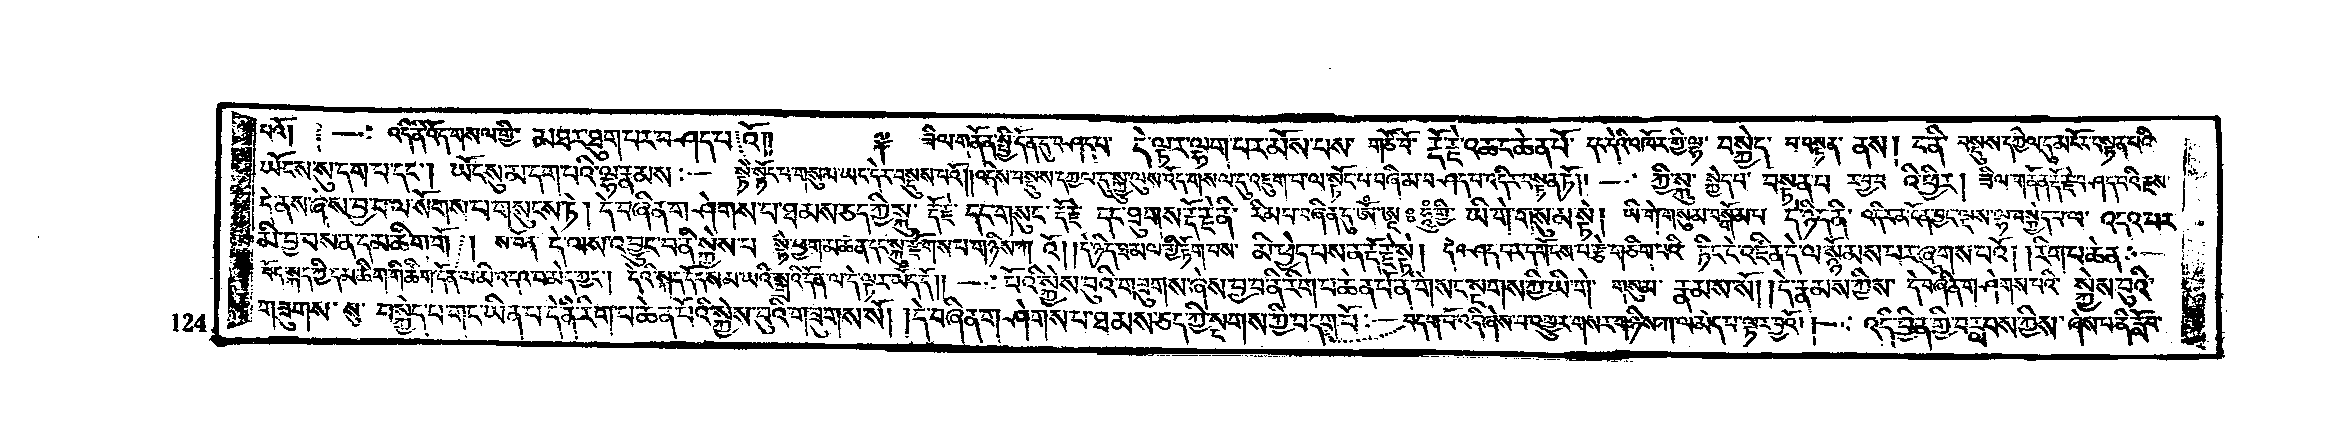པའོ།། འདི་ནི་འོད་གསལ་གྱི་མཐར་ཐུག་པར་བཤད་པའོ།། ༈ ཟིལ་གནོན་སྤྱི་དོན་དུ་བཤད་པ་དེ་ལྟར་ལྷག་པར་མོས་པས་གཙོ་བོ་རྡོ་རྗེ་འཆང་ཆེན་པོ་དང་དེའི་འཁོར་གྱི་ལྷ་བསྐྱེད་པ་བསྟན་ནས། དེ་ནི་བསྡུས་དཀྱིལ་དུ་མདོར་བསྟན་པའི་
ཡོངས་སུ་དག་པ་དང་། ཡོངས་སུ་མ་དག་པའི་ལྷ་རྣམས་སྟེ་སྟོང་པ་གསུམ་ཡང་དེར་བསྡུས་པའོ། །འདིས་བསྡུས་དཀྱིལ་དུ་སྒྱུ་ལུས་འོད་གསལ་དུ་འཇུག་པ་ལ་སྟོང་པ་བཞི་མ་བཤད་པ་འདིར་བསྟན་ཏོ།། ཀྱི་སྐུ་སྐྱེད་པ་བསྟན་པར་བྱ་བའི་ཕྱིར། ཟིལ་གནོན་རྡོ་རྗེ་བཤད་པའི་རྗེས་
དེ་ནས་ཞེས་བྱ་བ་ལ་སོགས་པ་གསུངས་ཏེ། དེ་བཞིན་གཤེགས་པ་ཐམས་ཅད་ཀྱི་སྐུ་རྡོ་རྗེ་དང་གསུང་རྡོ་རྗེ་དང་ཐུགས་རྡོ་རྗེ་ནི་རིམ་པ་བཞིན་དུ་ཨོཾ་ཨཱཿ ཧཱུཾ་གྱི་ཡི་གེ་གསུམ་སྟེ། ཡི་གེ་གསུམ་བསྒོམ་པ་དེ་ཉིད་ནི་འདིར་མངོན་བྱང་ལྔས་ལྷ་བསྐྱེད་པ་ལ་འདའ་བར་
མི་བྱ་བས་ན་དམ་ཚིག་གོ །ས་བོན་དེ་ལས་འབྱུང་བ་ནི་སྐྱེས་པ་སྟེ་ཕྱག་མཚན་དང་སྐུ་རྫོགས་པ་གཉིས་ཀའོ། །དེ་ཉིད་ཐ་མལ་གྱི་རྟོག་པས་མི་ཕྱེད་པས་ན་རྡོ་རྗེ་སྟེ། དེ་བཤད་པར་དགོངས་པ་རྩེ་གཅིག་པའི་ཏིང་ངེ་འཛིན་དེ་ལ་སྙོམས་པར་ཞུགས་པའོ། །རིག་པ་ཆེན་
བོད་སྐད་ཀྱི་དམ་ཚིག་གི་ཚིག་དོན་ལ་མི་འདའ་བ་མེད་ཀྱང་། དེའི་སྐད་དོད་ས་མ་ཡའི་སྒྲའི་དོན་ལ་དེ་ལྟར་ཡོད་དོ།། པོའི་སྐྱེས་བུའི་གཟུགས་ཞེས་བྱ་བ་ནི་རིག་པ་ཆེན་པོ་ནི་གསང་སྔགས་ཀྱི་ཡི་གེ་གསུམ་རྣམས་སོ། །དེ་རྣམས་ཀྱིས་དེ་བཞིན་གཤེགས་པའི་སྐྱེས་བུའི་
གཟུགས་སུ་བསྐྱེད་པ་གང་ཡིན་པ་དེ་ནི་རིག་པ་ཆེན་པོའི་སྐྱེས་བུའི་གཟུགས་སོ། །དེ་བཞིན་གཤེགས་པ་ཐམས་ཅད་ཀྱི་སྔགས་ཀྱི་བདག་པོ་བདག་པོ་འདི་ཞེས་པ་འགྱུར་གསར་གཉིས་ཀ་ལ་མེད་པ་ལྟར་བྱའོ།། འདི་བྱིན་གྱི་བརླབས་ཀྱིས་ཞེས་པ་ནི་རློབ་